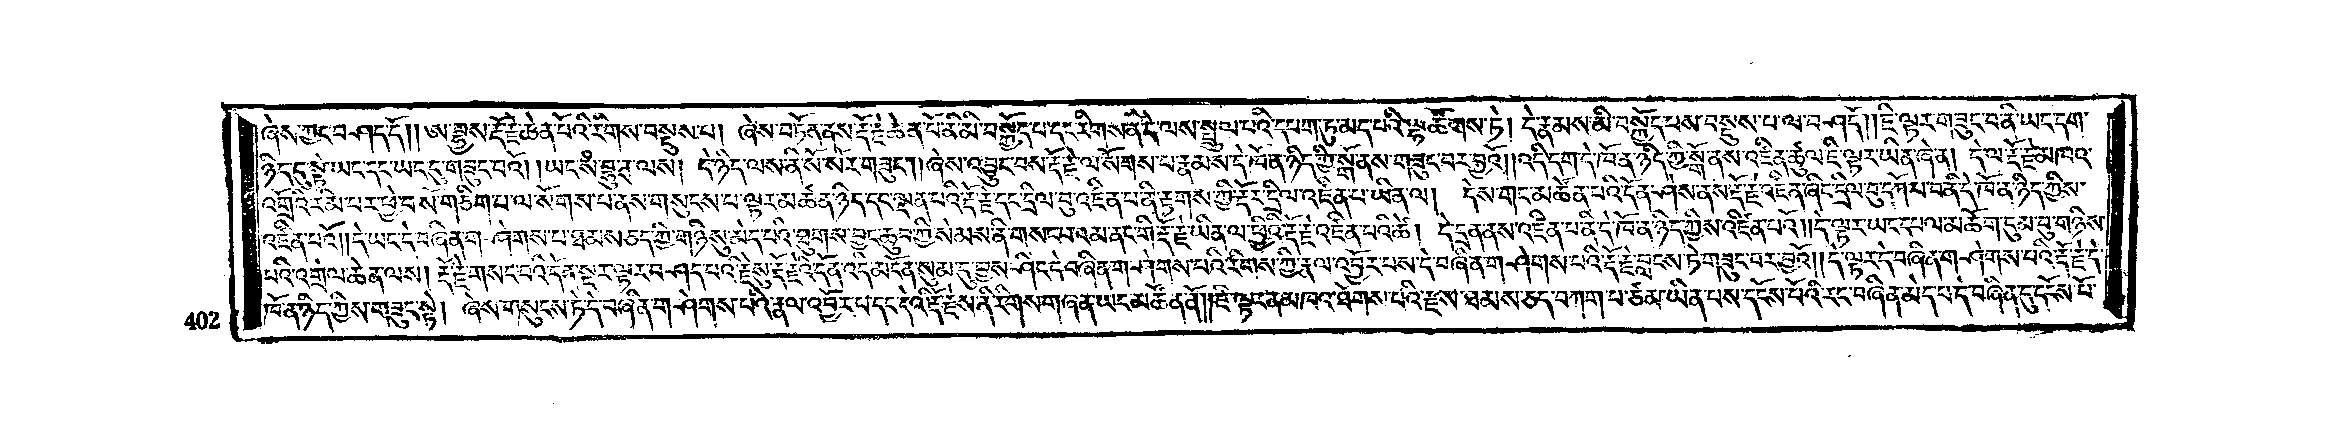ཞེས་ཀྱང་བཤད་དོ། །ཨ་བྷྱས་རྡོ་རྗེ་ཆེན་པོའི་རིགས་བསྡུས་པ། ཞེས་བཏོན་ནས་རྡོ་རྗེ་ཆེན་པོ་ནི་མི་བསྐྱོད་པ་དང་རིགས་ནི་དེ་ལས་སྤྲུལ་པའི་དཔག་ཏུ་མད་པའི་ལྷ་ཚོགས་ཏེ། དེ་རྣམས་མི་བསྐྱོད་པས་བསྡུས་པ་ལ་བཤད་དོ། །ཇི་ལྟར་གཟུང་བ་ནི་ཡང་དག་
ཉིད་དུ་སྟེ་ཡང་དང་ཡང་དུ་གཟུང་བའོ། །ཡང་སཾ་བྷུ་ཊ་ལས། དེ་ཉིད་ལས་ནི་སོ་སོར་གཟུང་། །ཞེས་འབྱུང་བས་རྡོ་རྗེ་ལ་སོགས་པ་རྣམས་དེ་ཁོ་ན་ཉིད་ཀྱི་སྒོ་ནས་གཟུང་བར་བྱའོ། །འདི་དག་དེ་ཁོ་ན་ཉིད་ཀྱི་སྒོ་ནས་འཛིན་ཚུལ་ཇི་ལྟར་ཡིན་ཞེ་ན། དེ་ལ་རྡོ་རྗེ་མཁའ་
འགྲོའི་རིམ་པར་ཕྱེ་བ་སོ་གཅིག་པ་ལ་སོགས་པ་ནས་གསུངས་པ་ལྟར་མཚན་ཉིད་དང་ལྡན་པའི་རྡོ་རྗེ་དང་དྲིལ་བུ་འཛིན་པ་ནི་རྟགས་ཀྱི་རྡོར་དྲིལ་འཛིན་པ་ཡིན་ལ། དེས་གང་མཚོན་པའི་དོན་ཤེས་ནས་རྡོ་རྗེ་འཛིན་ཞིང་དྲིལ་བུ་དཀོ་པ་བ་ནི་དེ་ཁོ་ན་ཉིད་ཀྱིས་
འཛིན་པའོ། །དེ་ཡང་དེ་བཞིན་གཤེགས་པ་ཐམས་ཅད་ཀྱི་གཉིས་སུ་མེད་པའི་ཐུགས་བྱང་ཆུབ་ཀྱི་སེམས་ནི་གསང་བའམ་ནང་གི་རྡོ་རྗེ་ཡིན་ལ་ཕྱིའི་རྡོ་རྗེ་འཛིན་པའི་ཚེ། དེ་དྲན་ནས་འཛིན་པ་ནི་དེ་ཁོ་ན་ཉིད་ཀྱིས་འཛིན་པའོ། །དེ་ལྟར་ཡང་དཔལ་མཆོག་དུམ་མ་བུ་གཉིས་
པའི་འགྲེལ་ཆེན་ལས། རྡོ་རྗེ་གསང་བའི་དོན་སྔར་ལྟར་བཤད་པའི་རྗེས་སུ་རྡོ་རྗེའི་དོན་འདི་མངོན་སུམ་དུ་བྱས་ཤིང་དེ་བཞིན་གཤེགས་པའི་རིགས་ཀྱི་རྣལ་འབྱོར་པས་དེ་བཞིན་གཤེགས་པའི་རྡོ་རྗེ་བླངས་ཏེ་གཟུང་བར་བྱའོ། །དེ་ལར་དེ་བཞིན་གཤེགས་པའི་རྡོ་རྗེ་དེ་
ཁོ་ན་ཉིད་ཀྱིས་གཟུང་སྟེ། ཞེས་གསུངས་ཏེ་དེ་བཞིན་གཤེགས་པའི་རྣལ་འབྱོར་པ་དང་དེའི་རྡོ་རྗེས་ནི་རིགས་གཞན་ཡང་མཚོན་ནོ། །ཇི་ལྟར་ནམ་མཁའ་ཐོགས་པའི་རྫས་ཐམས་ཅད་བཀག་པ་ཙམ་ཡིན་པས་དངོས་པོའི་རང་བཞིན་མེད་པ་དེ་བཞིན་དུ་དངོས་པོ་